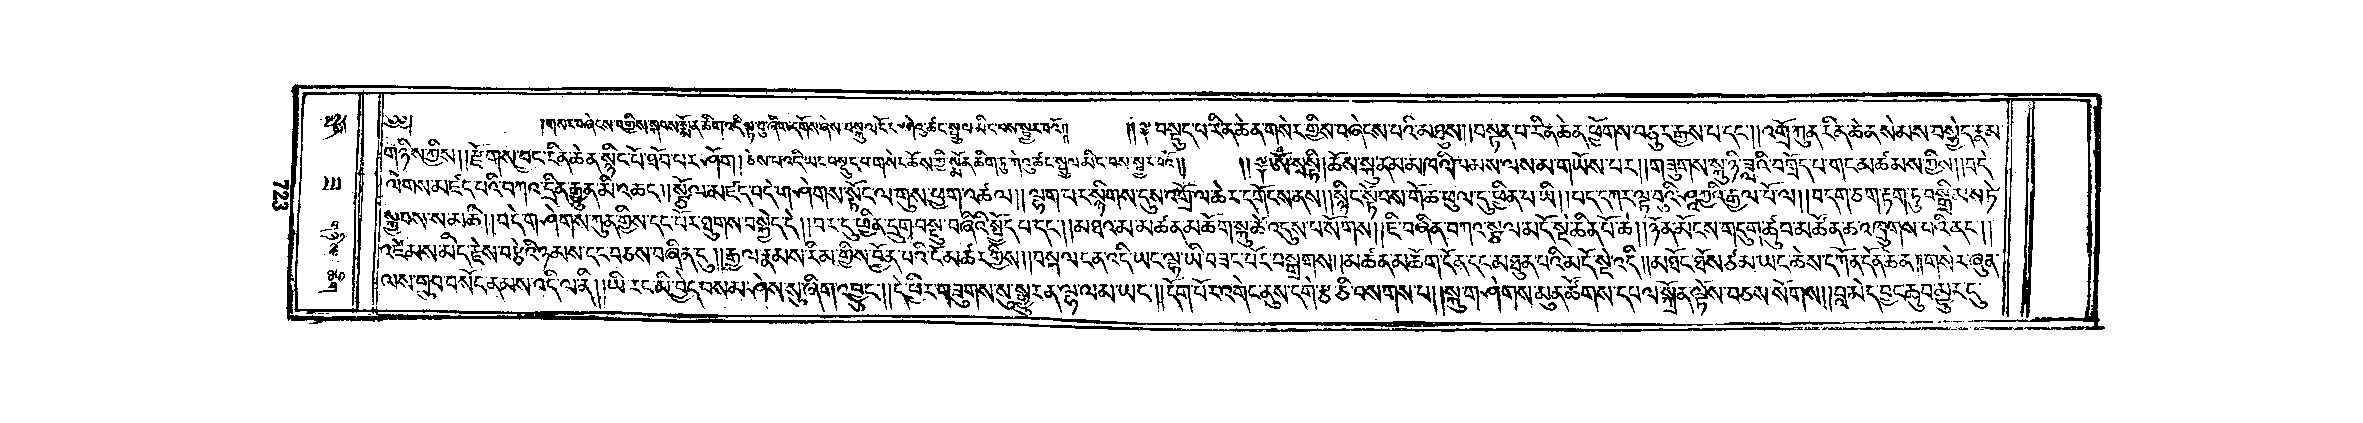༄༅། །གསར་བཞེངས་བགྱིས་སྐབས་སྨོན་ཚིག་འདི་ལྟ་བུ་ཞིག་དགོས་ཞེས་བསྐུལ་ངོར་ཀེའུ་ཚང་སྤྲུལ་མིང་པས་སྦྱར་བའོ།། །།བསྡུད་པ་རིན་ཆེན་གསེར་གྱིས་བཞེངས་པའི་མཐུས། །བསྟན་པ་རིན་ཆེན་ཕྱོགས་བཅུར་རྒྱས་པ་དང་། །འགྲོ་ཀུན་རིན་ཆེན་སེམས་བསྐྱེད་རྣམ་
གཉིས་ཀྱིས། །རྫོགས་བྱང་རིན་ཆེན་སྙིང་པོ་ཐོབ་པར་ཤོག །ཅེས་པ་འདི་ཡང་བསྡུད་པ་གསེར་ཆོས་ཀྱི་སྨོན་ཚིག་ཏུ་ཀེའུ་ཚང་སྤྲུལ་མིང་བས་སྦྱར་བའོ།། །།ཨོཾ་སྭ་སྟི། ཆོས་སྐུ་ནམ་མཁའི་ཁམས་ལས་མ་གཡོས་པར། །གཟུགས་སྐུ་ཉི་ཟླའི་བགྲོད་པ་གང་མཚམས་ཀྱིས། །བདེ་
ལེགས་མཛད་པའི་བཀའ་དྲིན་རྒྱུན་མི་འཆད། །སྩོལ་མཛད་བདེ་གཤེགས་སྟོང་ལ་གུས་ཕྱག་འཚལ། །ལྷག་པར་སྙིགས་དུས་འགྲོ་ལ་ཆེར་དགོངས་ནས། །སྙིང་སྟོབས་གོ་ཆ་ཕུལ་དུ་ཕྱིན་པ་ཡི། །པད་དཀར་ལྟ་བུའི་ཤཱཀྱའི་རྒྱལ་པོ་ལ། །བདག་ཅག་རྟག་ཏུ་བསྒྲིམས་ཏེ་
སྐྱབས་སུ་མཆི། །བདེ་གཤེགས་ཀུན་གྱིས་དང་པོར་ཐུགས་བསྐྱེད་དེ། །བར་དུ་ཕྱིན་དྲུག་བསྡུ་བཞིའི་སྤྱོད་པ་དང་། །མཐའ་མ་མཚན་མཆོག་སྐུ་ཚེ་འདུས་པ་སོགས། །ཇི་བཞིན་བཀའ་སྩལ་མདོ་སྡེ་ཆིན་པོ་ཆེ། །ཉོན་མོངས་གདུག་ཚུབ་མཚོན་ཆ་འཁྲུགས་པའི་ནང་། །
འཛེམས་མེད་རྗེས་བརྩེའི་ཉམས་དང་བཅས་བཞིན་དུ། །རྒྱལ་རྣམས་རིམ་གྱིས་བྱོན་པའི་ངོ་མཚར་གྱིས། །བསྐལ་ངན་འདི་ཡང་ལྷ་ཡི་བཟང་པོར་བསྒྲགས། །མཚན་མཆོག་དོན་དང་མཐུན་པའི་མདོ་སྡེ་འདི། །མཐོང་ཐོས་ཙམ་ཡང་ཆེས་དཀོན་དོན་ཆེན། །གསེར་ཞུན་
ལས་གྲུབ་བསོད་ནམས་འདི་ལ་ནི། །ཡི་རང་མི་བྱེད་བསམ་ཤེས་སུ་ཞིག་འབྱུང་། །དེ་ཕྱིར་གཟུགས་སུ་སྒྱུར་ན་ལྷ་ལམ་ཡང་། །དོག་པོར་འགེང་ནུས་དགེ་རྩ་ཅི་བསགས་པ། །སྐུ་གཤེགས་མུན་ཚོགས་དཔལ་སྐྲོན་ལྟོས་བཅས་སོགས། །བླ་མེད་བྱང་ཆུབ་མྱུར་དུ་